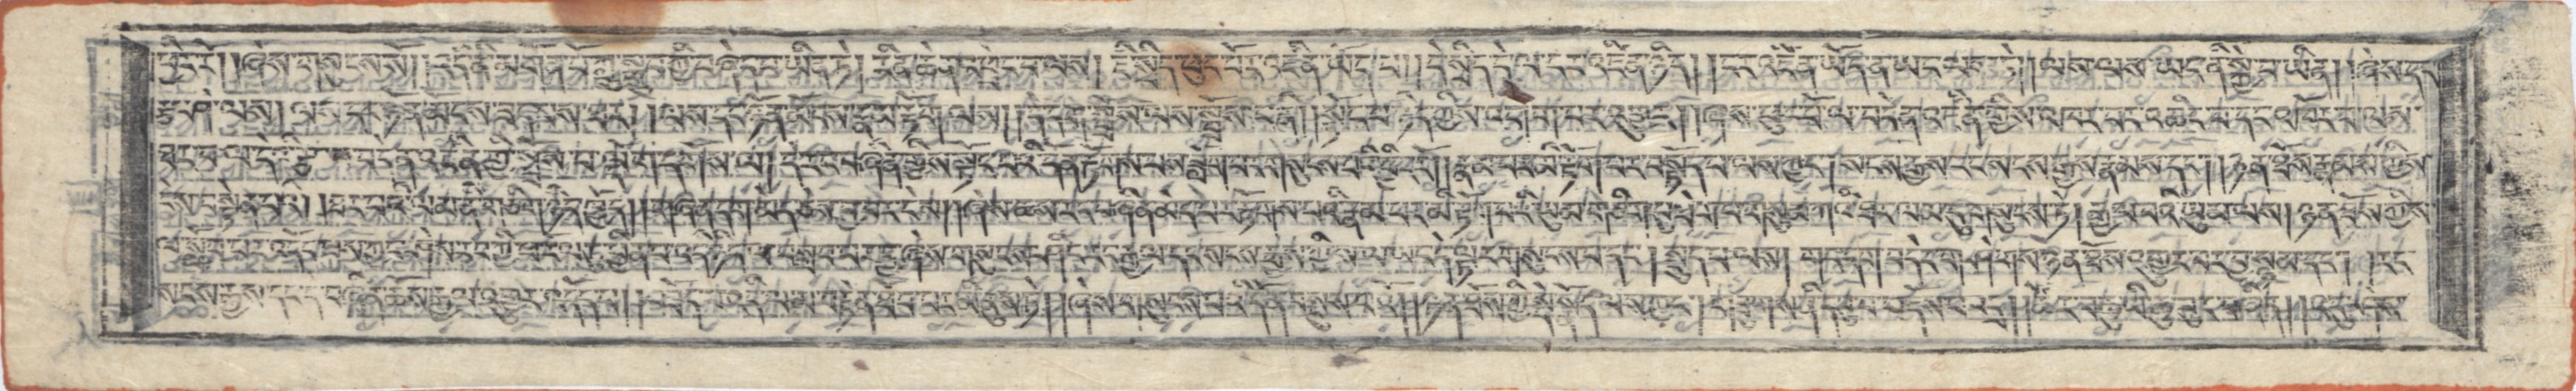ཕྱིར་རོ། །ཞེས་གསུངས་སོ། །འདི་ནི་མགོན་པོ་ཀླུ་སྒྲུབ་ཀྱི་བཞེད་པ་ཡིན་ཏེ། རིན་ཆེན་འཕྲེང་བ་ལས། ཇི་སྲིད་ཕུང་པོར་འཛིན་ཡོད་པ། །དེ་སྲིད་དེ་ལ་ངར་འཛིན་ཉིད། །ངར་འཛིན་ཡོད་ན་ཡང་ལས་ཏེ། །ལས་ལས་ཡང་ནི་སྐྱེ་བ་ཡིན། །ཞེས་དང་
རྩ་ཤེ་ལས། ལས་དང་ཉོན་མོངས་ཟད་པས་ཐར། །ལས་དང་ཉོན་མོངས་རྣམ་རྟོག་ལས། །དེ་དག་སྤྲོས་ལས་སྤྲོས་པ་ནི། །སྟོང་པ་ཉིད་ཀྱིས་འགག་པར་འགྱུར། །ཞེས་ཕུང་པོ་ལ་བདེན་འཛིན་གྱིས་འཁར་བར་འཆིང་བ་དང་འཁོར་བ་ལས་
ཐར་བ་ལ་དེའི་རྩ་བ་བདེན་འཛིན་གྱི་སྤྲོས་བ་ལྡོག་དགོས་ལ། དེ་རང་བཞིན་གྱིས་སྟོང་པའི་དོན་རྟོགས་པས་ཟློག་པར་གསུངས་པའི་ཕྱིར་རོ། །རྣམ་པར་མི་རྟོག་པར་བསྟོད་པ་ལས་ཀྱང་། སངས་རྒྱས་རང་སངས་རྒྱས་རྣམས་དང་། །ཉན་ཐོས་རྣམས་ཀྱིས་
ངེས་བསྟེན་པའི། །ཐར་པའི་ལམ་ནི་གཅིག་ཉིད་ཁྱོད། །གཞན་དག་མེད་ཅེས་བྱ་བར་ངེས། །ཞེས་ཆས་རང་བཞིན་མེད་པར་རྟོགས་པའི་རྣམ་པར་མི་རྟོག་པའི་ཡུམ་གཅིག་པུ་ཐེག་པ་གསུམ་ཀའི་ཐར་ལམ་དུ་གསུངས་ཏེ། རྒྱལ་བའི་ཡུམ་ལས། ཉན་ཐོས་ཀྱི་ས་
ལ་སློབ་པར་འདོད་པས་ཀྱང་ཤེས་རབ་ཀྱི་ཕ་རོལ་ཏུ་ཕྱིན་པ་འདི་ཉིད་ལ་བསླབ་པར་བྱ་ཞེས་གསུངས་ཤིང་རང་རྒྱལ་དང་སངས་རྒྱས་ཀྱི་ས་ལ་ཡང་དེ་ལྟར་གསུངས་པ་དང་། སྡུད་པ་ལས། གང་དག་བདེར་གཤེགས་ཉན་ཐོས་འགྱུར་བར་བྱ་སྙམ་དང་། །རང་
སངས་རྒྱས་དང་དེ་བཞིན་ཆོས་རྒྱལ་འགྱུར་འདོད་པ། །བཟོད་པ་འདི་ལ་མ་བརྟེན་ཐོབ་པར་མི་ནུས་ཏེ། །ཞེས་གསུངས་པའི་དོན་བསྡུས་པའོ། །ཉན་ཐོས་ཀྱི་སྡེ་སྣོད་ལས་ཀྱང་། གཟུགས་ནི་དབུ་བ་བརྡོས་པ་འདྲ། །ཚོར་བ་ཆུ་ཡི་ཆུ་བུར་བཞིན། །འདུ་ཤེས་